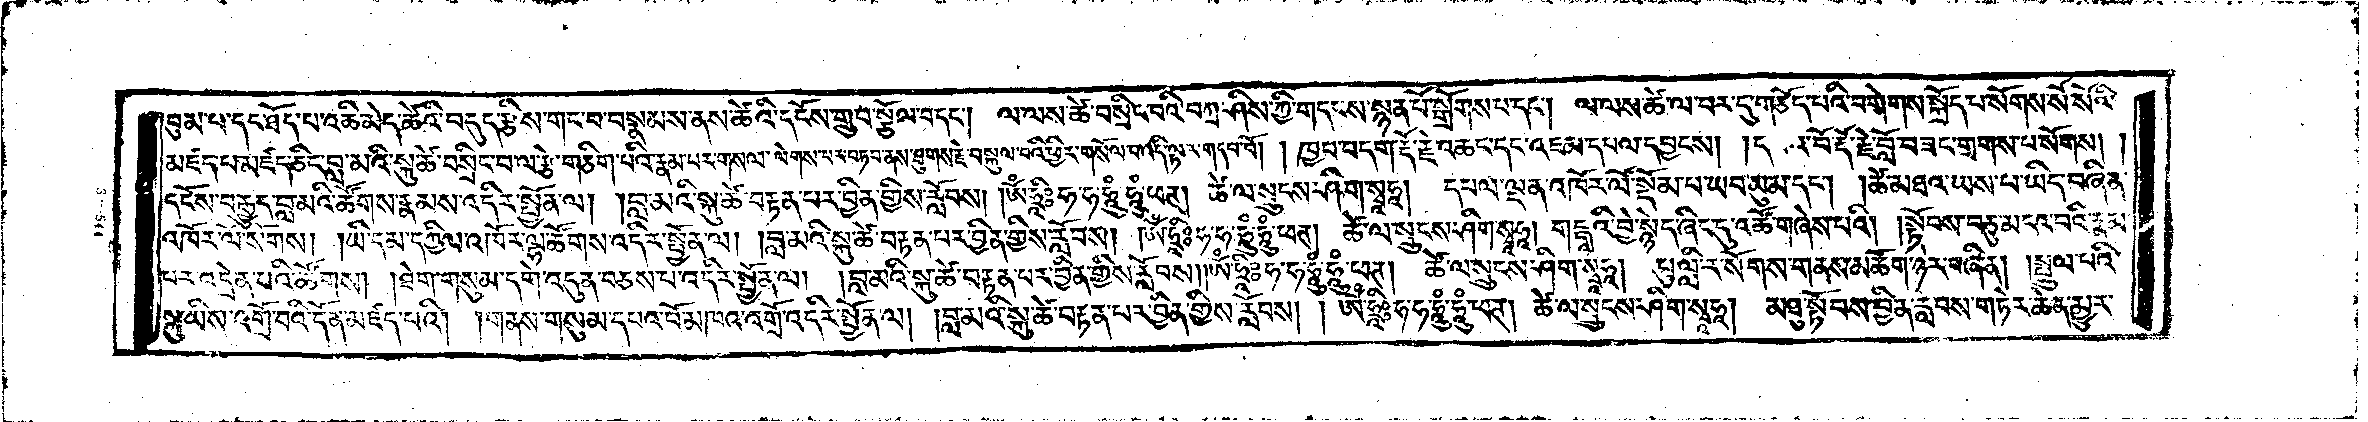བུམ་པ་དང་ཐོད་པ་འཆི་མེད་ཚེའི་བདུད་རྩིས་གང་བ་བསྣམས་ནས་ཚེའི་དངོས་གྲུབ་སྩོལ་བ་དང་། ལ་ལས་ཚེ་བསྲིང་བའི་བཀྲ་ཤིས་ཀྱི་གདངས་སྙན་པོ་སྒྲོགས་པ་དང་། ལ་ལས་ཚེ་ལ་བར་དུ་གཅོད་པའི་བགེགས་སྐྲོད་པ་སོགས་སོ་སོའི་
མཛད་པ་མཛད་ཅིང་བླ་མའི་སྐུ་ཚེ་བསྲིང་བ་ལ་རྩེ་གཅིག་པའི་རྣམ་པར་གསལ་ལེགས་པར་བཏབ་ནས་ཐུགས་རྗེ་བསྐུལ་བའི་ཕྱིར་གསོལ་བ་འདི་ལྟར་གདབ་བོ། །ཁྱབ་བདག་རྡོ་རྗེ་འཆང་དང་འཇམ་དཔལ་དབྱངས། །དཔའ་བོ་རྡོ་རྗེ་བློ་བཟང་གྲགས་པ་སོགས། །
དངོས་བརྒྱུད་བླ་མའི་ཚོགས་རྣམས་འདིར་སྤྱོན་ལ། །བླ་མའི་སྐུ་ཚེ་བརྟན་པར་བྱིན་གྱིས་རློབས། །ཨོཾ་ཧྲཱིཿཧ་ཧ་ཧཱུཾ་ཧཱུཾ་ཕཊ། ཚེ་ལ་སྲུངས་ཤིག་སྭཱཧཱ། དཔལ་ལྡན་འཁོར་ལོ་སྡོམ་པ་ཡབ་ཡུམ་དང་། །ཚེ་མཐའ་ཡས་པ་ཡིད་བཞིན་
འཁོར་ལོ་སོགས། །ཡི་དམ་དཀྱིལ་འཁོར་ལྷ་ཚོགས་འདིར་སྤྱོན་ལ། །བླ་མའི་སྐུ་ཚེ་བརྟན་པར་བྱིན་གྱིས་རློབས། །ཨོཾ་ཧྲཱིཿཧ་ཧ་ཧཱུཾ་ཧཱུཾ་ཕཊ། ཚེ་ལ་སྲུངས་ཤིག་སྭཱཧཱ། གངྒའའི་བྱེ་ལ། །བླ་མའི་སྐུ་ཚེ་བརྟན་པར་བྱིན་གྱིས་རློབས། །ཨོཾ་ཧྲཱིཿཧ་ཧ་ཧཱུཾ་ཧཱུཾ་ཕཊ། ཚེ་ལ་སྲུངས་ཤིག་སྭཱཧཱ། པུལླི་ར་སོགས། སྤྲུལ་པའི་
སྐུ་ཡིས་འགྲོ་བའི་དོན་མཛད་པའི། །གནས་གསུམ་དཔའ་བོ་མཁའ་འགྲོ་འདིར་སྦྱོན་ལ། །བླ་མའི་སྐུ་ཚེ་བརྟན་པར་བྱིན་གྱིས་རློབས། །ཨོཾ་ཧྲཱིཿཧ་ཧ་ཧཱུཾ་ཧཱུཾ་ཕཊ། ཚེ་ལ་སྲུངས་ཤིག་སྭཱ་ཧཱ། མཐུ་སྟོབས་བྱིན་རླབས་གཏེར་ཆེན་མྱུར་